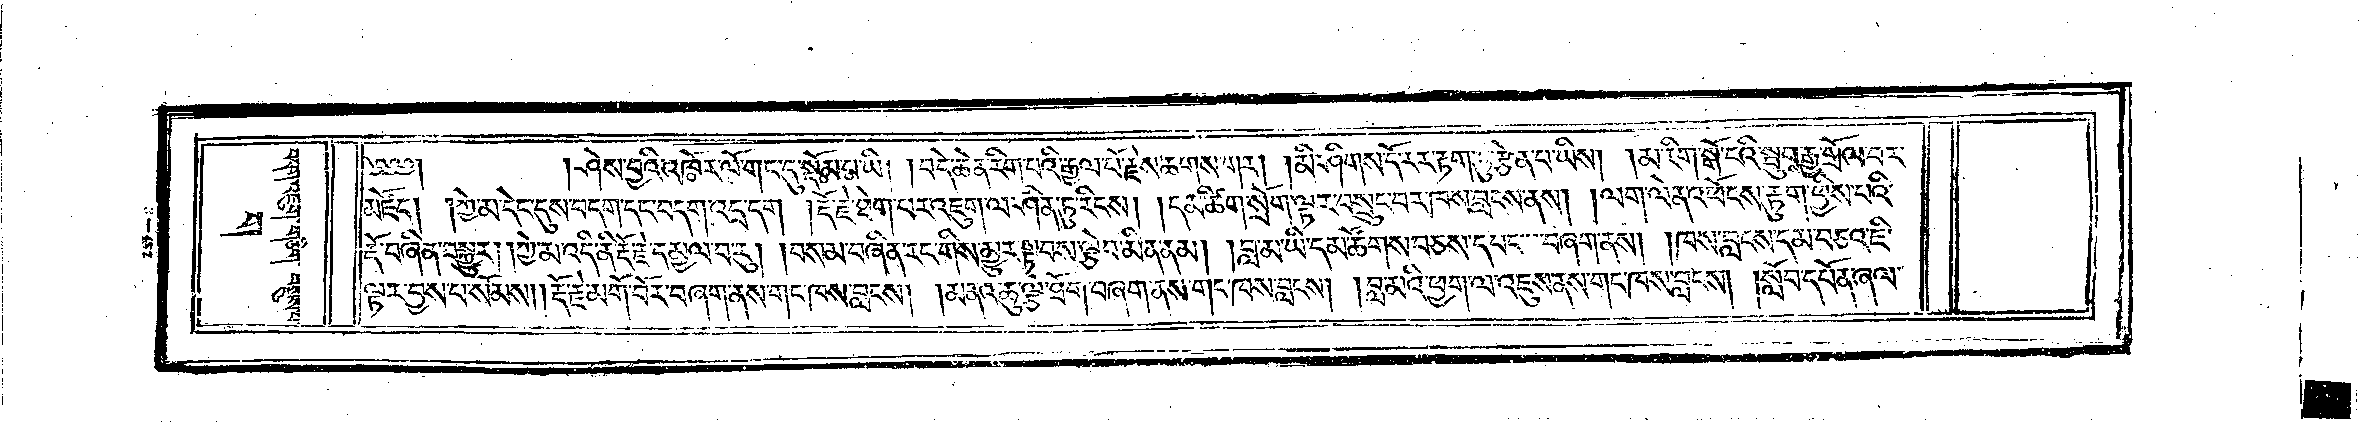༄༅༅། །ཤེས་བྱའི་འཁོར྾་ལོ་གང་དུ་སྡོམ྾་པ྾་ཡི། །བདེ་ཆེན་རིག་པའི་རྒྱལ་པོ་རྗེས་ཆགས་གར། །མི་ཤིགས་དོ་རར་རྟག་ཏུ་རྩེན་པ་ཡིས། །མ་རིག་སྒོ་ངའི་སྦུབས་རྒྱ་གྲོལ་བར་
མཛོད། །ཀྱེ་མ་དེང་དུས་བདག་དང་བདག་འདྲ་དག །རྡོ་རྗེ་ཐེག་པར་འཇུག་ལ་ཤིན་ཏུ་རིངས། །དམ་ཚིག་སྲོག་ལྟར་བསྲུང་བར་ཁས་བླངས་ནས། །ལག་ལེན་འཕོངས་རྟུག་ཕྱིས་པའི་
རྡོ་བཞིན་བསྐྱུར། །ཀྱེ་མ་འདི་ནི་རྡོ་རྗེ་དམྱལ་བ་རུ། །བསམ་བཞིན་རང་གིས་མྱུར་སྟབས་ལྕེབ་མིན་ནམ། །བླ་མ་ཡི་དམ་ཚོགས་བཅས་དཔང་བཞག་ནས། །ཁས་བླངས་དམ་བཅའ་ཇི་
ལྟར་བྱས་པ་སོམས། །རྡོ་རྗེ་མགོ་བོར་བཞག་ནས་གང་ཁས་བླངས། །མནའ་ཆུ་ལྕེ་ཐོག་བཞག་ནས་གང་ཁས་བླངས། །བླ་མའི་ཕྱག་ལ་འཇུས་ནས་གང་ཁས་བླངས། །སློབ་དཔོན་ཞལ་